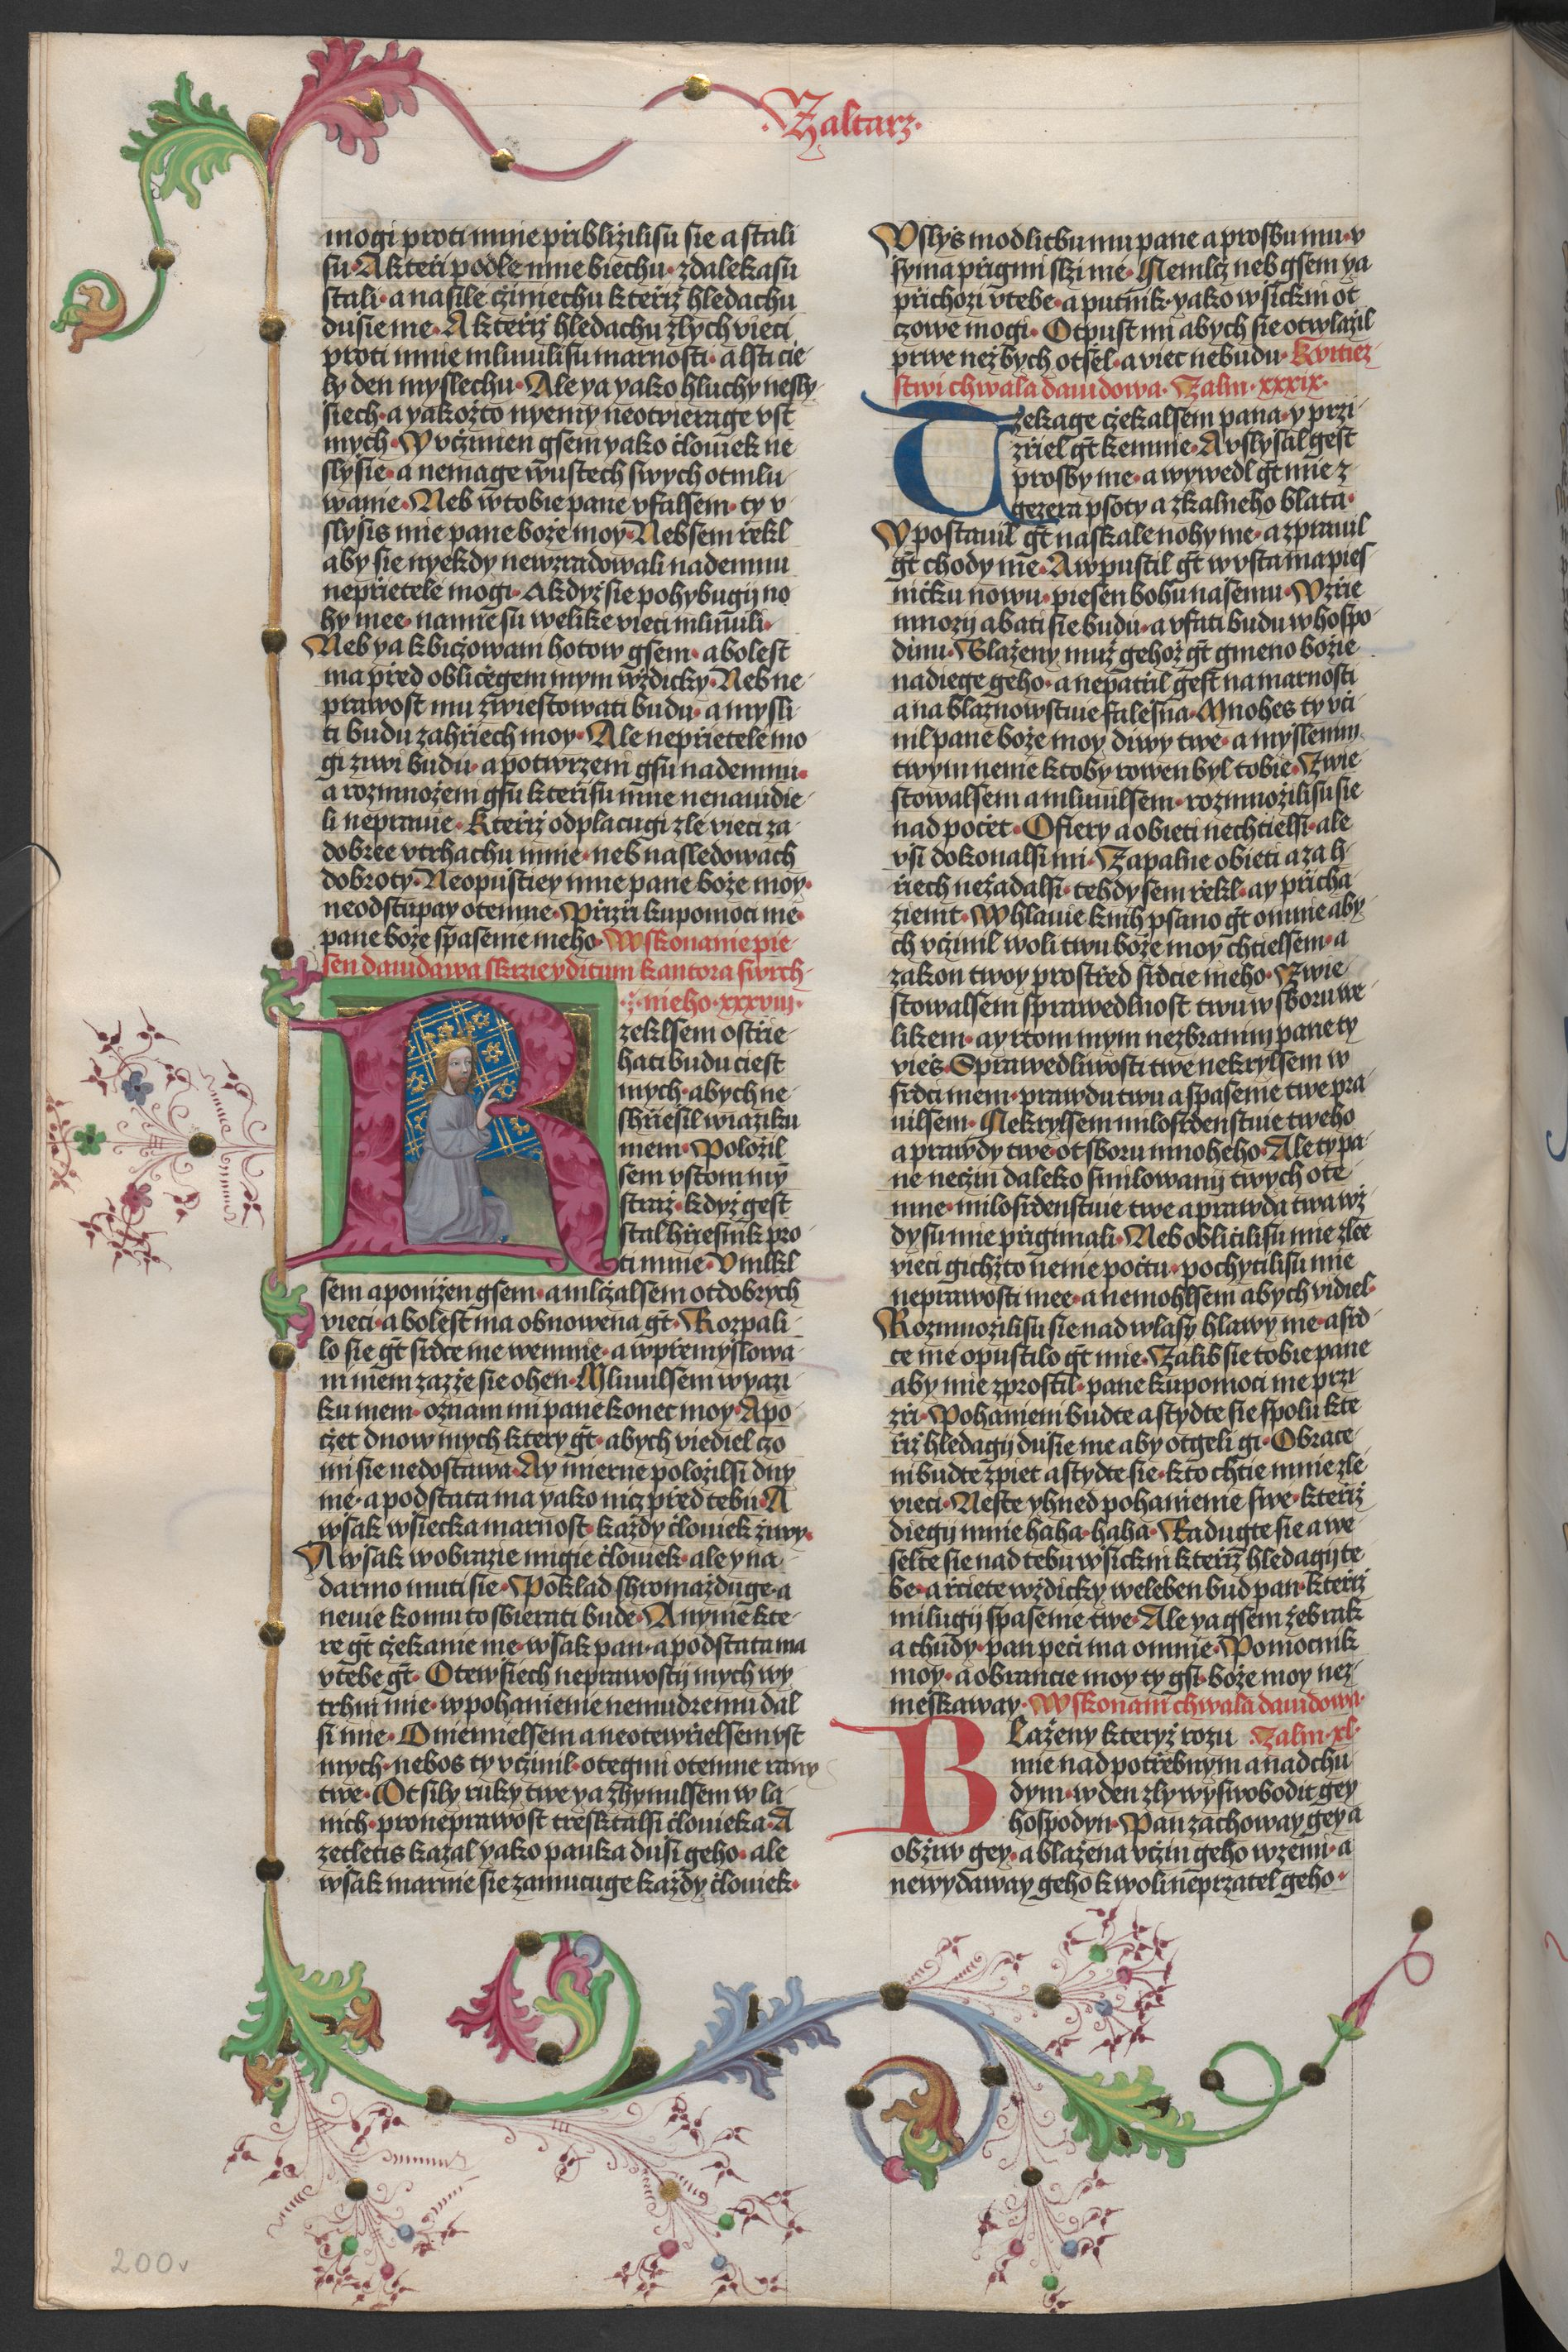.Zaltarz.
mogi proti mnie pṙibližiliſu ſie a ſtali
ſu.A kteṙí podle mnie bíechu.zdalekaſu
ſtali.a naſilé cžiníechu kteṙíż hledachu
duẛie me.A kteṙíż hledachu zlych viecí
proti mnie mluuiliſu marnoſti.a lſti cie¬
ly den myſlechu.Ale ya yako hluchy neſly¬
ẛiech.a yakożto nyemy neotvierage vſt
mych.Y vcżnien gſem yako ċlouíek ne
ſlyẛie.a nemage wuſtech ſwych otmlu¬
waníe.Neb w tobie pane vfalſem.ty v¬
ſlyẛis mie pane boże moy.Nebſem ṙekl
aby ſie nyekdy newzradowali nademnu
nepṙietelé mogi.akdyż ſie pohybugij no¬
hy mee.namieſu welike vieci mluuili.
Neb ya k bicżowaní hotow gſem.a boleſt
ma pṙed obliċegem mym wżdicky.Neb ne¬
prawoſt mu zwieſtowati budu.a myſli¬
ti budu zahṙiech moy.Ale nepṙíetelé mo¬
gi ziwi budú.a potwrzeni gſu nademnú.
a rozmnożeni gſu kteṙíſu mne nenaudie¬
li neprauie.Kteṙiż odplacugí zlé vieci za¬
dobree vtrhachu mnie.neb naſledowach
dobroty.Neopuẛtiey mne pane boże moy.
neodſtupay otemne.Pṙizṙi kupomoci mé
pane boże ſpaſeníe meho.Wſkonanie pie¬
ſen dauidawa ſkrzie yditum kantora ſwrch¬
.ž.níeho.xxxviij.
zeklſem oſtṙie¬
hati budu cieſt
mych.abych ne¬
ſhṙíeẛil wiaziku
mem.Polożil
ſem vſtom mȳ
ſtraž.když geſt
ſtal hṙieſník pro¬
ti mnie.Vmlkl
ſem aponíżen gſem.a mlcżalſem otdobrých
viecí.a boleſt ma obnowena ḡt.Rozpali¬
lo ſie ḡt ſrdce me wemnie.a wpṙemyẛlowa¬
ní mem zazže ſie ohen.Mluuilſem wyazi¬
ku mem.oznam mi pane konec moy.Apo¬
cżet dnow mych ktery ḡt.abych viediel czo¬
mi ſie nedoſtawa.Ay míerne polożilſi dny
mé.apodſtata ma yako nicz pṙed tebú.A
wẛak wẛiecka marnoſt každy ċlouíek żiwy.
A wẛak wobrazie migíe ċlouiek.ale y na¬
darmo mutí ſie.Poklad ſhromażduge.a
neuíe komu to ſbierati bude.A nyníe kte¬
ro ḡt cżekaníe me.wẛak pan.a podſtata ma
v tebe ḡt.Otewẛíech neprawoſtij mych wy¬
trhni mie.w pohanieníe nemudremu dal
ſi mie.Oníemíelſem a neotewṙielſem vſt
mych.nebos ty vcżinil.otegmi otemne rány¬
twe.Ot ſily ruky twe ya zhynulſem w la¬
ních.proneprawoſt treſktalſi ċlouieka.A
zetletis kazal yako pauka duẛi geho.ale
wẛak marnie ſie zamucuge každy člouiek.
Vſlyṡ modlitbu mu pane a proſbu mu.v¬
ẛyma pṙigmi ſlzí mé.Nemlcṙ neb gſem ya
pżṙichozí vtebe.a putník.yako wẛickni ot¬
czowé mogi.Otpuſt mi abych ſie otwlażil
prwe neż bych otẛel.a víec nebudu.Kvitez¬
ſtwí chwala dauidowa.Zalm.xxxix.
zekage cżekalſem pana.y przi¬
zṙíel ḡt kemnie.A vſlyẛal geſt
proſby me.a wywedl ḡt mie z
gezera pſoty a zkalneho blata.
Y poſtauil ḡt naſkale nohy me.a zprauil
ḡt chody me.Awpuſtil ḡt wvſta mapieſ¬
niċku nowu.pieſen bohu naẛemu.Vzṙíe
mnozij abati ſie budú.a vſati budu w hoſpo¬
dinu.Blaženy muž gehož ḡt gmeno božie
nadiege geho.a nepatṙil geſt na marnoſti
a na blaznowſtuíe faleẛna.Mnohes ty vċi¬
nil pane boże moy díwy twe.a myẛlením
twym neníe ktoby rowen byl tobie.Zwie¬
ſtowalſem a mluuilſem.rozmnożiliſu ſie
nad poċet.Oſíery a obieti nechtíelſi.ale
vẛi dokonalſi mi.Zapalne obieti a za h¬
ṙiech neżadalſi.tehdy ſem ṙekl.ay pṙicha¬
zimt.W hlauie kníh pſano ḡt omnie aby¬
ch vcżíníl woli twu boże moy chtielſem.a
zakon twoy proſtřed ſrdcie meho.Zwie¬
ſtowalſem ſprawedlnoſt twu w ſboru we¬
likem.ay rtom mym nezbraním pane ty
víeṡ.Sprawedliwoſti twé nekrylſem w
ſrdci mem.prawdu twu a ſpaſeníe twe pra¬
uilſem.Nekrylſem miloſrdenſtuíe tweho
a prawdy twe.otſboru mnoheho.Ale ty pa¬
ne necżin daleko ſmilowanij twych ote¬
mne.miloſrdenſtuíe twe a prawda twa wż¬
dy ſu mie pṙigímali.Neb obliċiliſu mie zlee
vieci gichżto neníe poċtu.pochytiliſu mie
neprawoſti mee.a nemohlſem abych vidiel.
Rozmnożiliſu nad wlaſy hlawy me.a ſrd¬
ce mé opuſtilo ḡt mie.Zalib ſie tobie pane
aby mie zproſtil.pane kupomoci me przi¬
zṙi.Pohaníení budte a ſtydte ſie ſpolu kte
ṙiż hledagij duẛie me aby otgeli gi.Obrace¬
ni budte zpiet aſtydte ſie.kto chtíe mnie zlé
vieci.Neſte yhned pohanieníe ſwe.kteṙiż
diegij mnie haha.haha.Radugte ſie a we¬
ſelce ſie nad tebu wẛickni kteṙíż hledagijte¬
be.a ṙciete wżdicky weleben bud pan.kteṙiż
mílugij ſpaſeníe twe.Ale yagſem żebrak
a chudy.pan peċi ma omnie.Pomocník
moy.a obrancie moy ty gſi.boże moy nez¬
meẛkaway.Wſkonaní chwala dauidowa.
Laženy kteryž rozu. Zalm.xl.
míe.nadpotṙebnym a nadchu¬
dym.wden zlywyſwobodit gey
hoſpodyn.Pan zachoway gey a
obżiw gey.a blażena vcżin geho wzemi.a
newydaway geho k woli neprzatel geho.